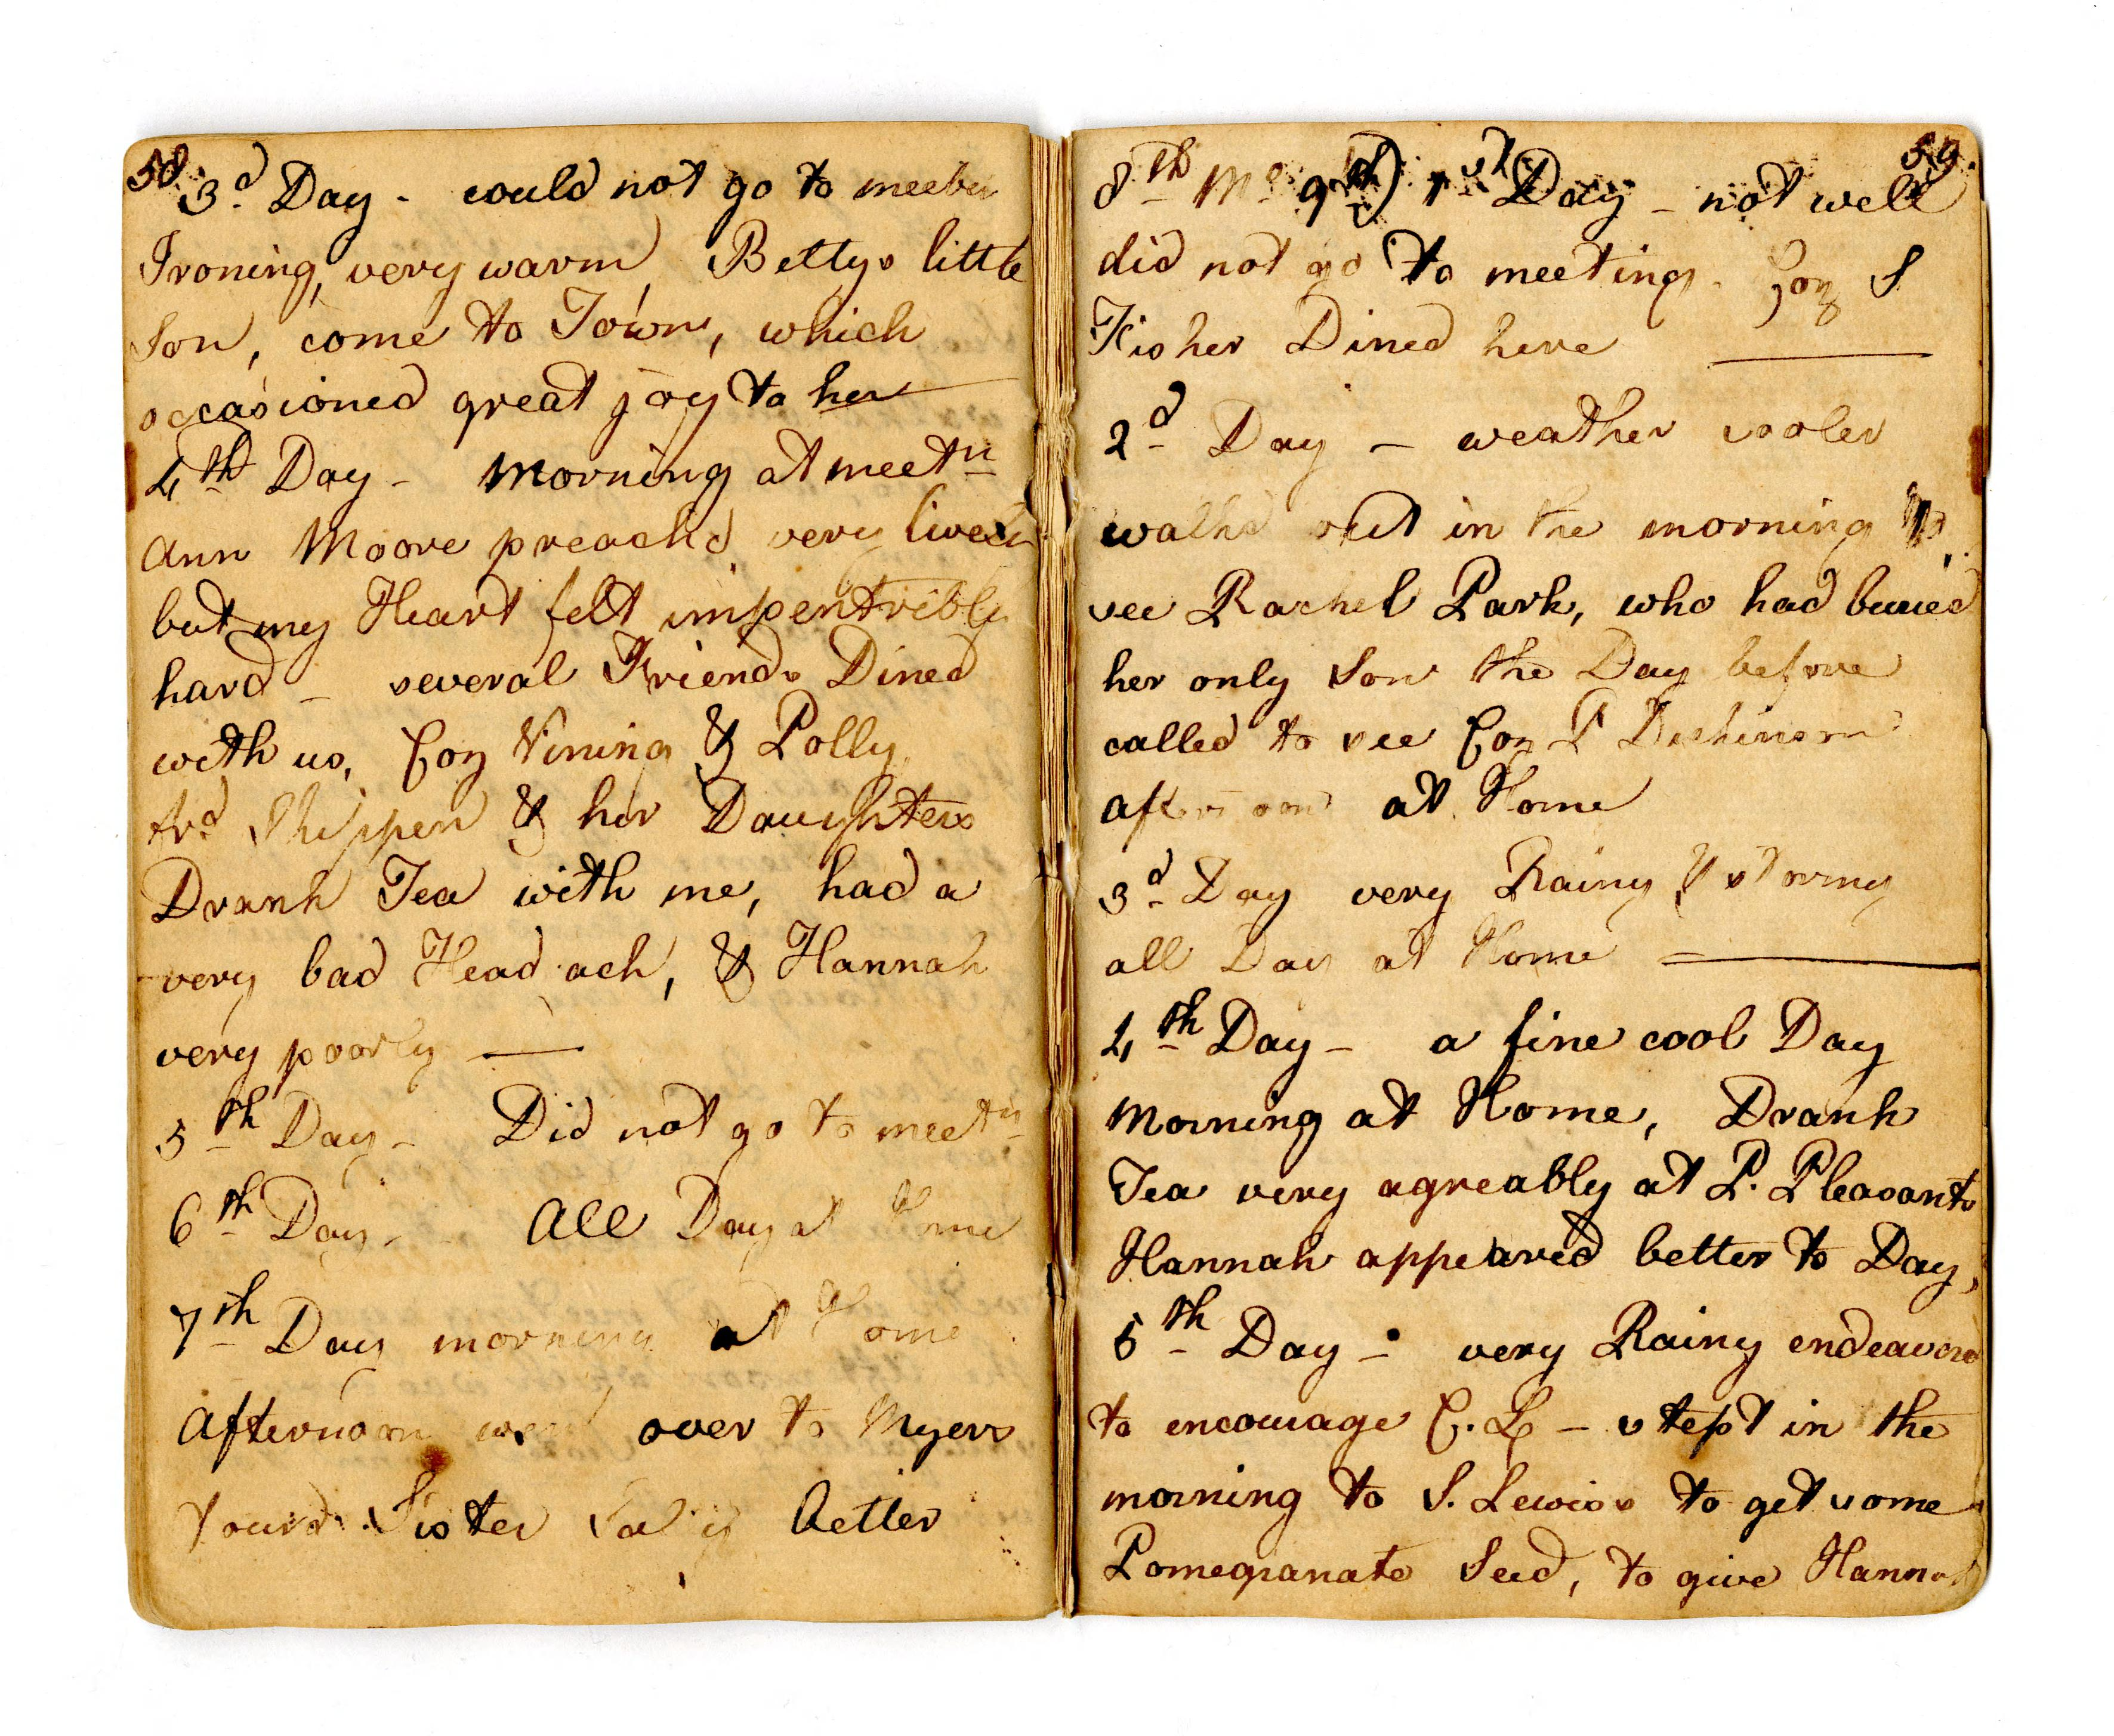58
3^d Day. could not go to meetin
Ironing, very warm Bettys little
Son, come to Town, which
occasioned great joy to her
4^th Day- Morning at meet^n
Ann Moore preachd very lively
but my Heart felt impentrible
hard- several Friends Dined
with us, Coz Vining & Polly
fr^d. Shippen & her Daughters
Drank Tea with me, had a
very bad Head ach, & Hannah
very poorly-
5^th Day- Did not go to meet^n
6^th Day- All Day at Home
7^th Day morning at Home
Afternoon went over to Myers
found Sister Sally better
59
8^th M^o 9^th) 1^st Day, not well
did not go to meeting- Coz S
Fisher Dined here-
2^d Day- weather cooled
walkd out in the morning &
see Rachel Park, who had buried
her only Son the Day before
called to see Coz P Dickinson
Afternoon at Home
3^d Day, very Rainy & stormy
all Day at Home-
4^th Day- a fine cool Day
Morning at Home, Drank
Tea very agreably at P. Pleasants
Hannah appeared better to Day,
5^th Day- very Rainy endeavord
to encourage C.L- stept in the
morning to S. Lewis s to get some
Pomegranate Seed, to give Hannah